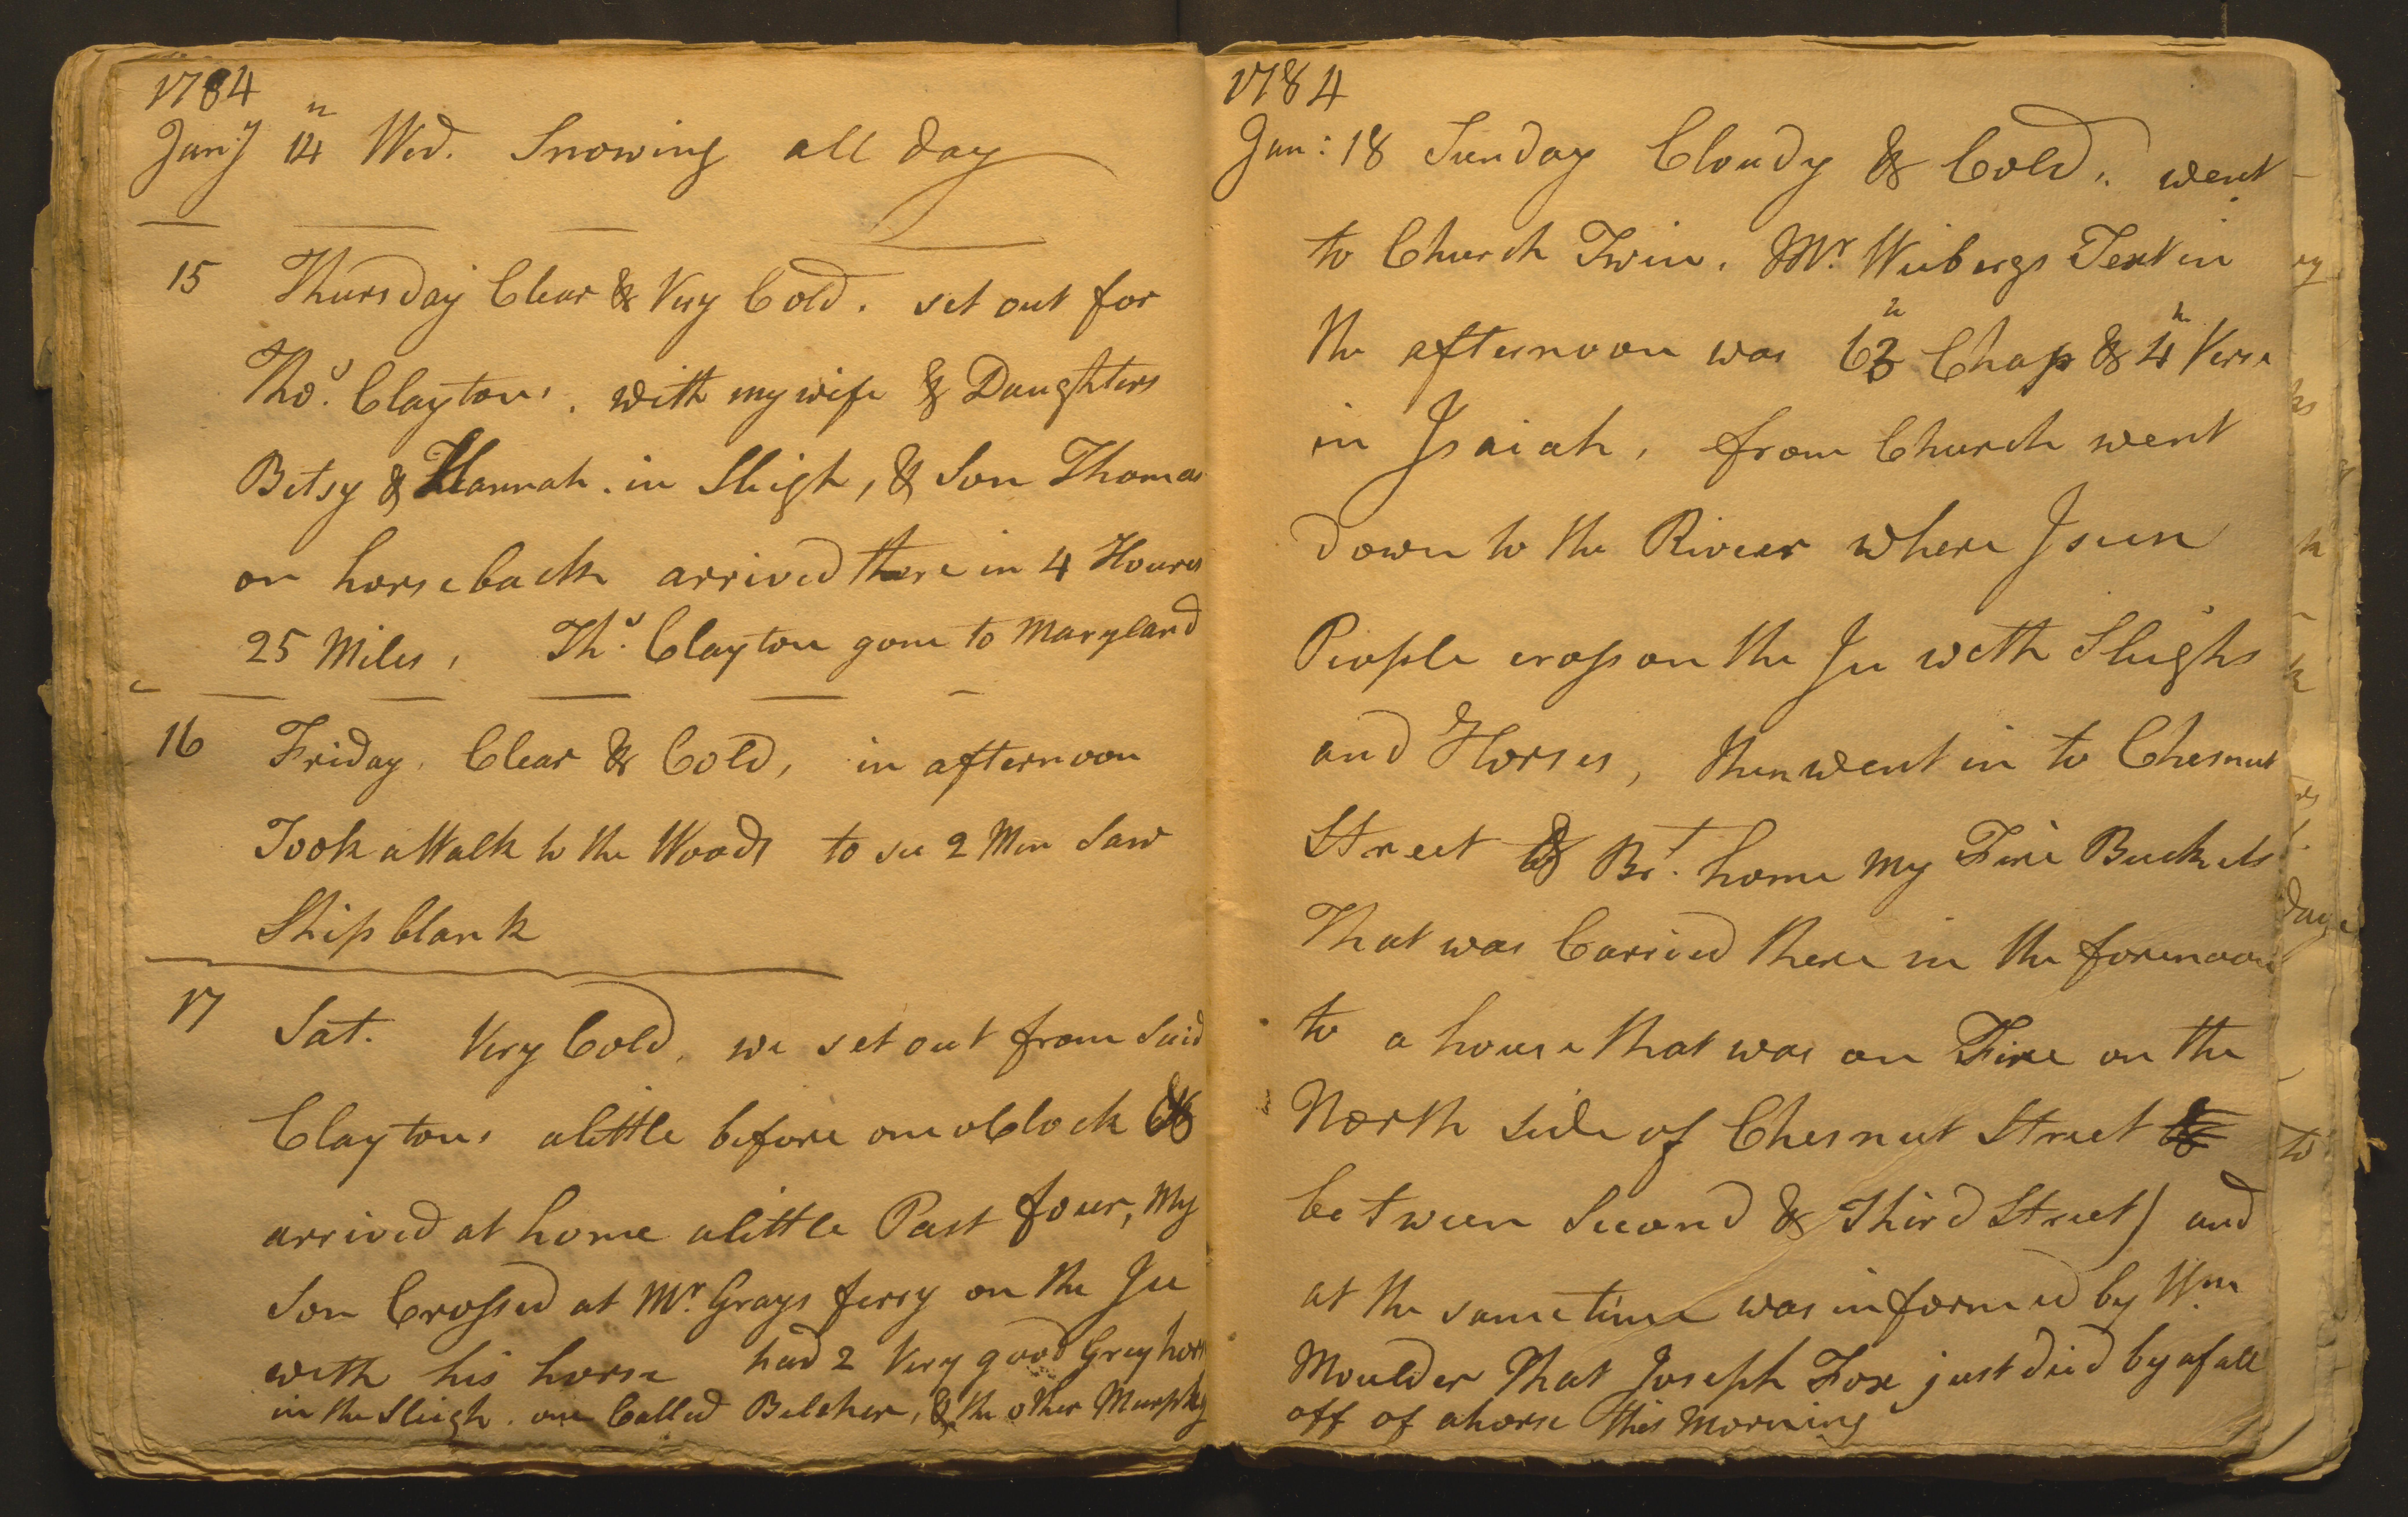1784
Jan^y. 14^th Wed. Snowing all day
15 Thursday Clear & Very Cold. set out for
Tho^s. Claytons, with my wife & Daughters
Betsy & Hannah in Sleigh, & Son Thomas
on horseback arrived there in 4 Houres
25 Miles, Th^s. Clayton gone to Maryland
16 Friday. Clear & Cold, in afternoon
Took a Walk to the Woods to see 2 Men Saw
Ship blank
17 Sat. Very Cold, we set out from said
Claytons a little before one oClock &
arrived at home a little Past four, My
Son Crossed at M^r. Grays ferry on the Ice
in the Sleigh, one Called Belcher, & the other Murphy
with his horse had 2 Very gaod Greyhors
1784
Jan: 18 Sunday Cloudy & Cold. went
to Church Twice. M^r. Weibergs Text in
the afternoon was 63^h Chap & 4^h Verse
in Isaiah, from Church went
down to the River where I seen
People cross on the Ice with Sleighs
and Horses, then went in to Chesnut
Street & Br^t. home my Fine Buckets
That was Carried there in the forenoon
to a house that was an Fire on the
North side of Chesnut Street [&]
between second & Third Street / and
at the same time was informed by W^m.
Moulder That Joseph Fox just died by a fall
off of a horse this morning